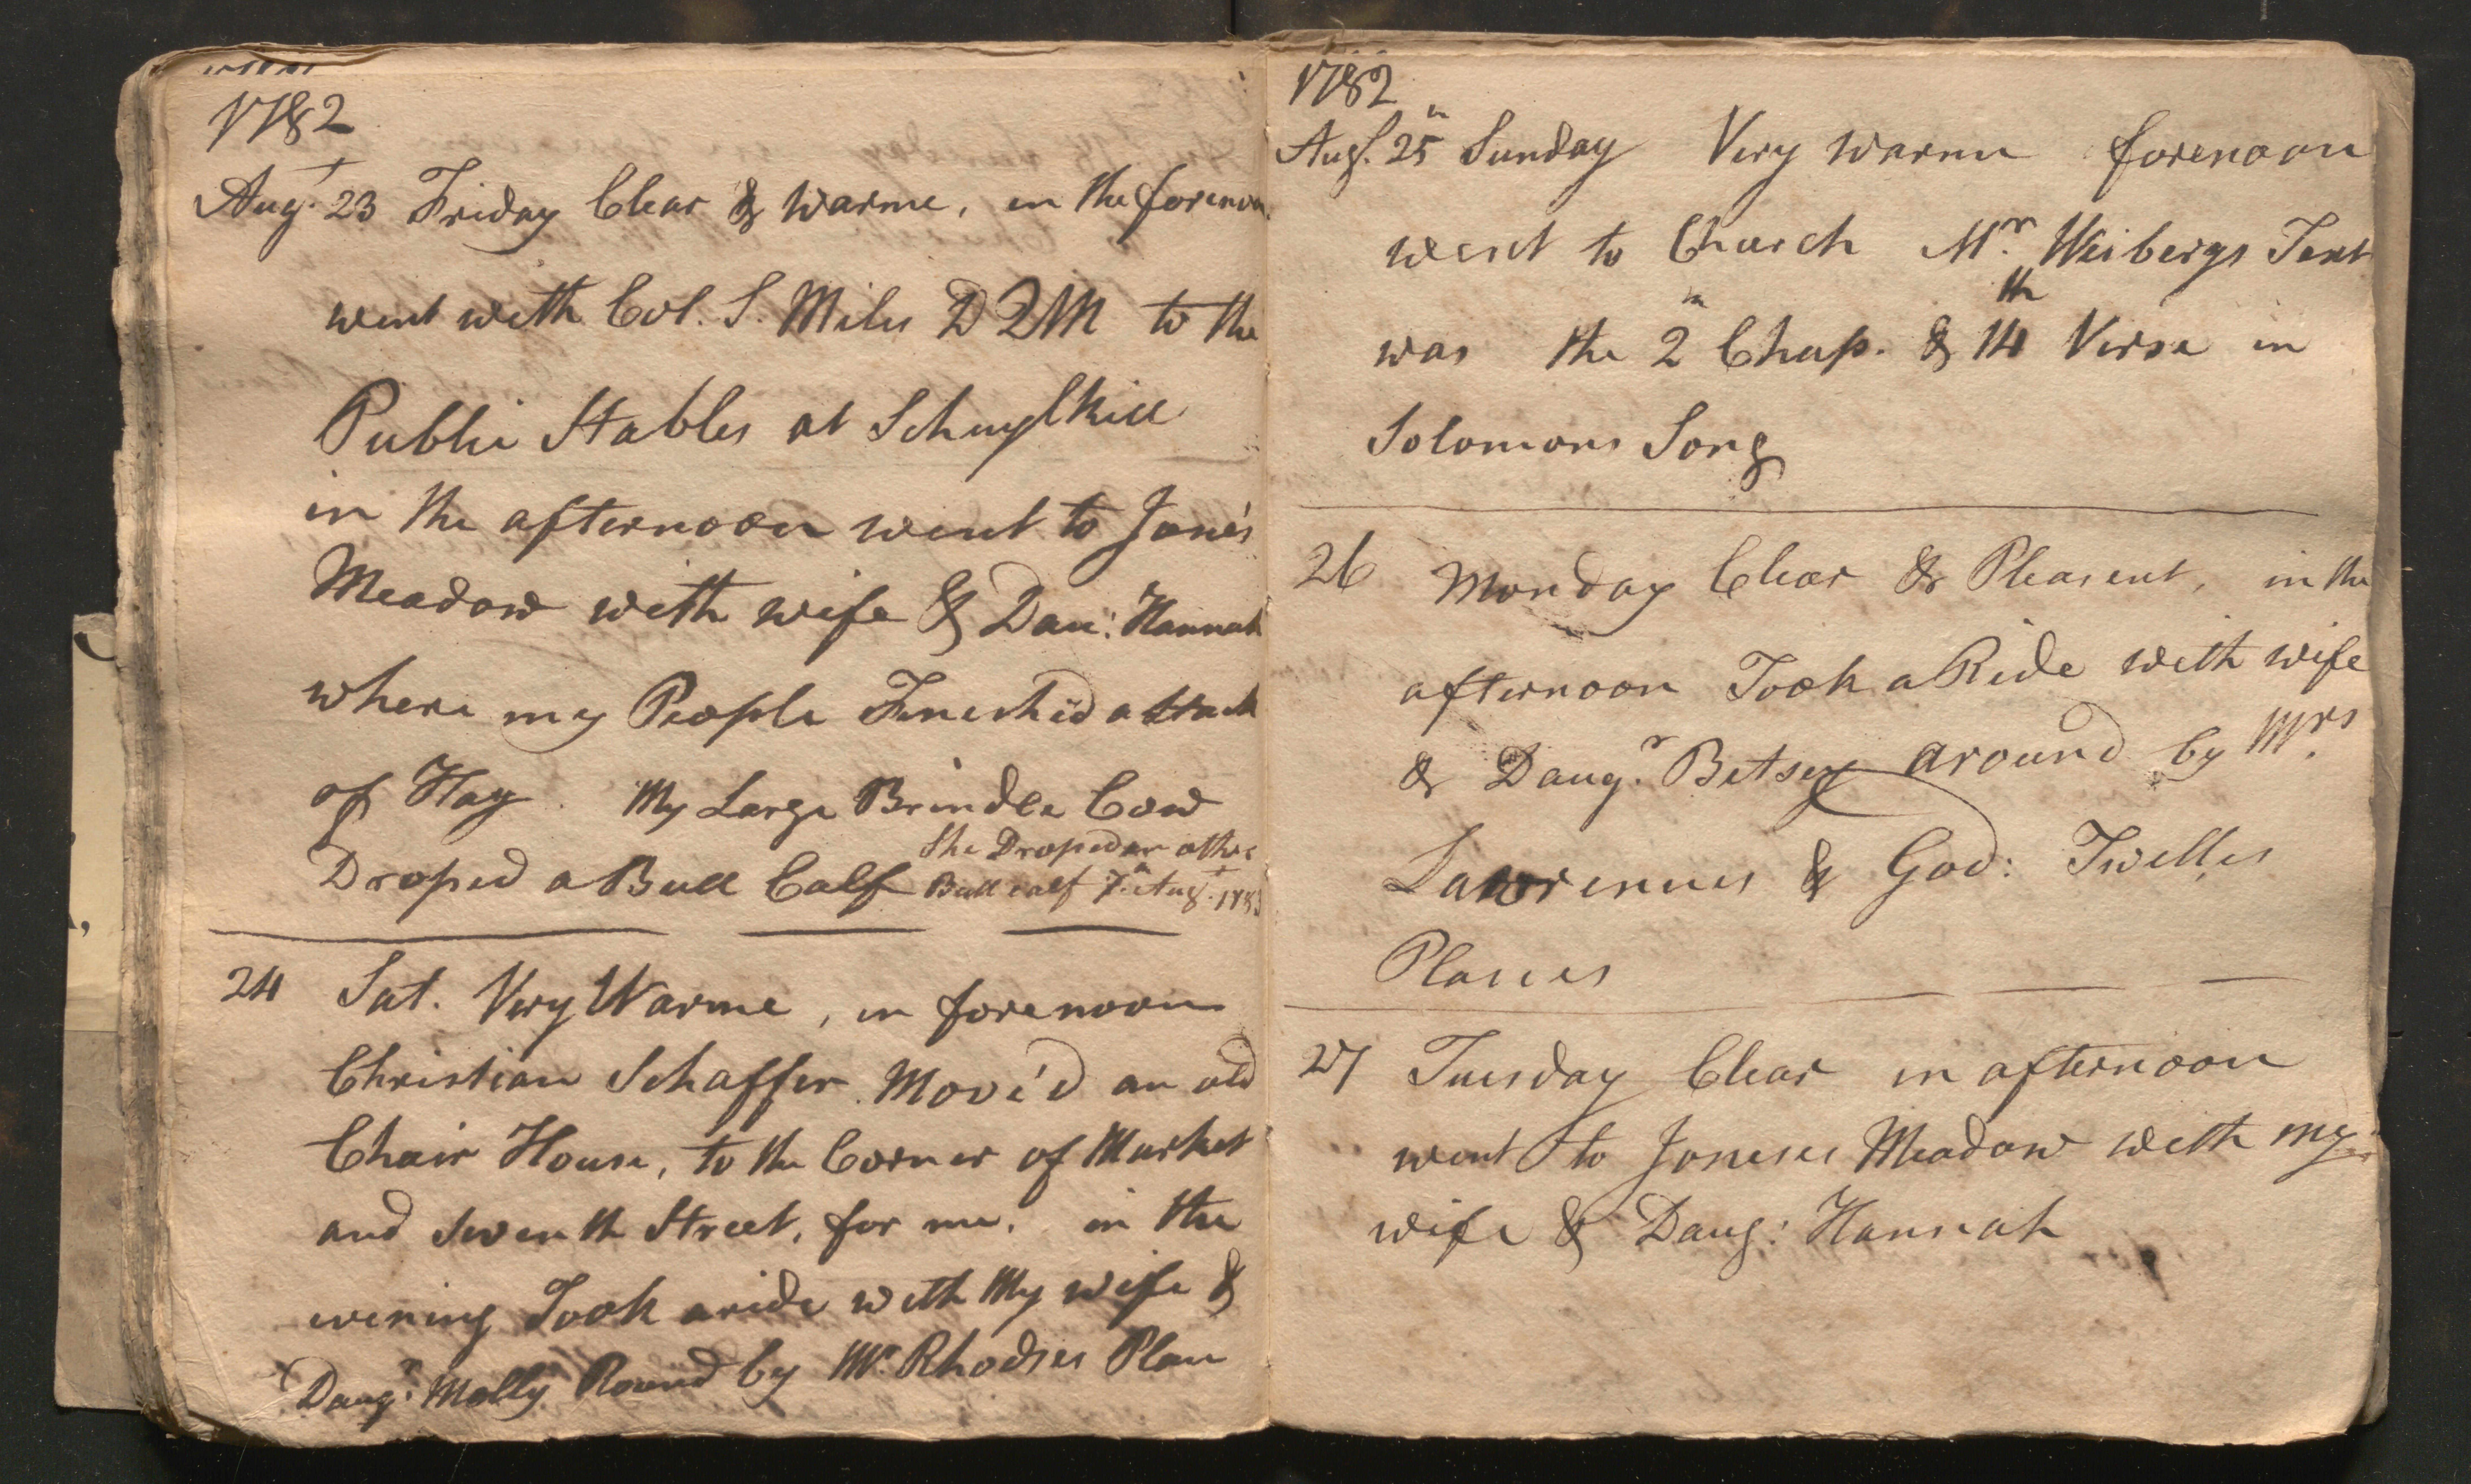1782
Aug^t. 23 Friday Clear & Warme, in the forenoon
went with Col. S. Miles DQM to the
Public Stables at Schuylkill
in the afternoon went to Jone's
Meadow with wife & Dau: Hannah
where my People Finished a Stack
of Hay. My Large Brindle Cow
she Droped an other
Droped a Bull Calf Bull calf 7 Aug^t. 1783
24 Sat. Very Warme, in forenoon
Christian Schaffer Move'd an old
Chair House, to the Corner of Market
and Seventh Street, for me. in the
evening Took a ride with My wife
Daug^r. Molly Round by M^r. Rhodses Plan
Aug^t. 25^h Sunday Very Warme forenoon
1782
went to Chusch M^r. Weibergs Text
was the 2^th Chap. & 14^th Verse in
Solomons Song
26
Monday Clear & Pleasent, in the
afternoon Took a Ride with wife
& Daug^r. Betsey around by M^r
Lawrences & God: Twettes
Places
27 Tuesday Clear in afternoon
went to Joneses Meadow with my
wife & Daug: Hannah